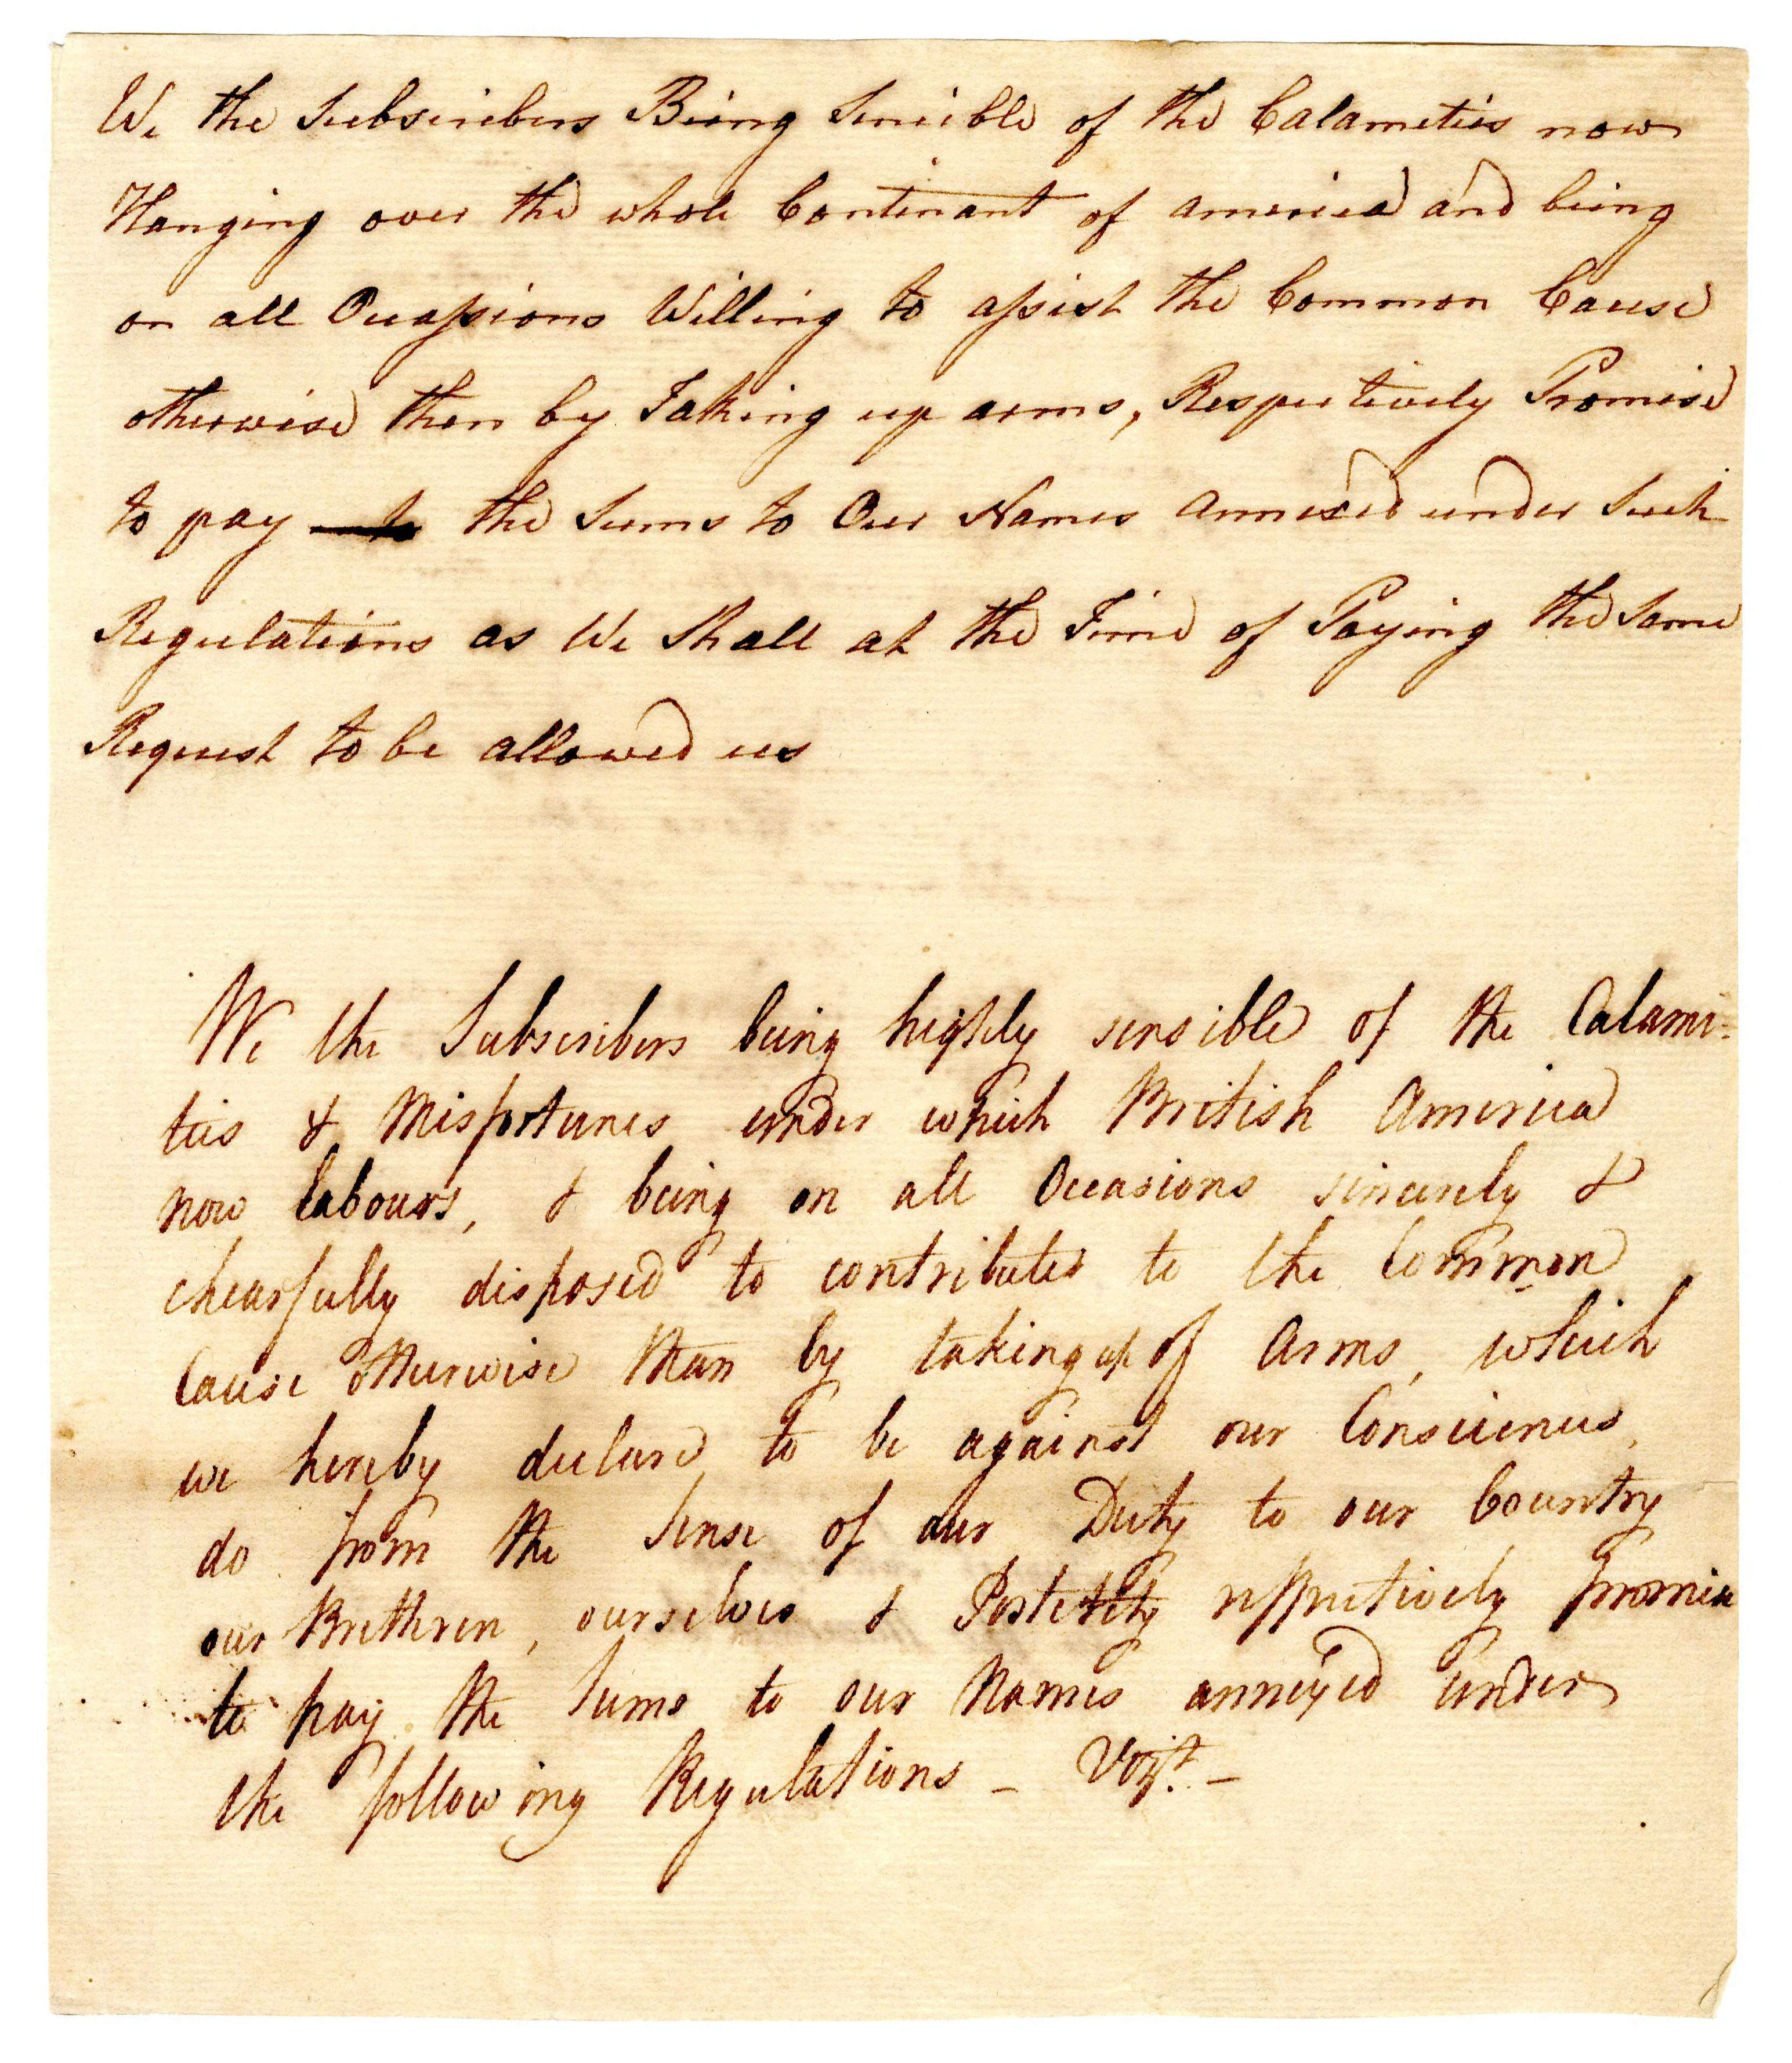We the Subscribers Being Sensible of the Calamities now
Hanging over the whole Continant of America and being
on all Occassions Willing to assist the Common Cause
otherwise then by Taking up arms, Respectively Promise
to pay the Sums to Our Names Armised under Such
Regulations as We shall at the Time of Paying the same
Request to be allowed us
We the Subscribers being highly sensible of the Calami-
-ties & Misfortunes under which British America
now labours, & being on all Occasions sincerely &
chearfully disposed to contribute to the Common
Cause otherwise than by taking up of Arms, which
we hereby declare to be against our Consciences
do from the Sense of our Duty to our Country
our Brethren, ourselves & Posterity respectively promise
to pay the Sums to our names annexed under
the following Regulations. Viz^t.